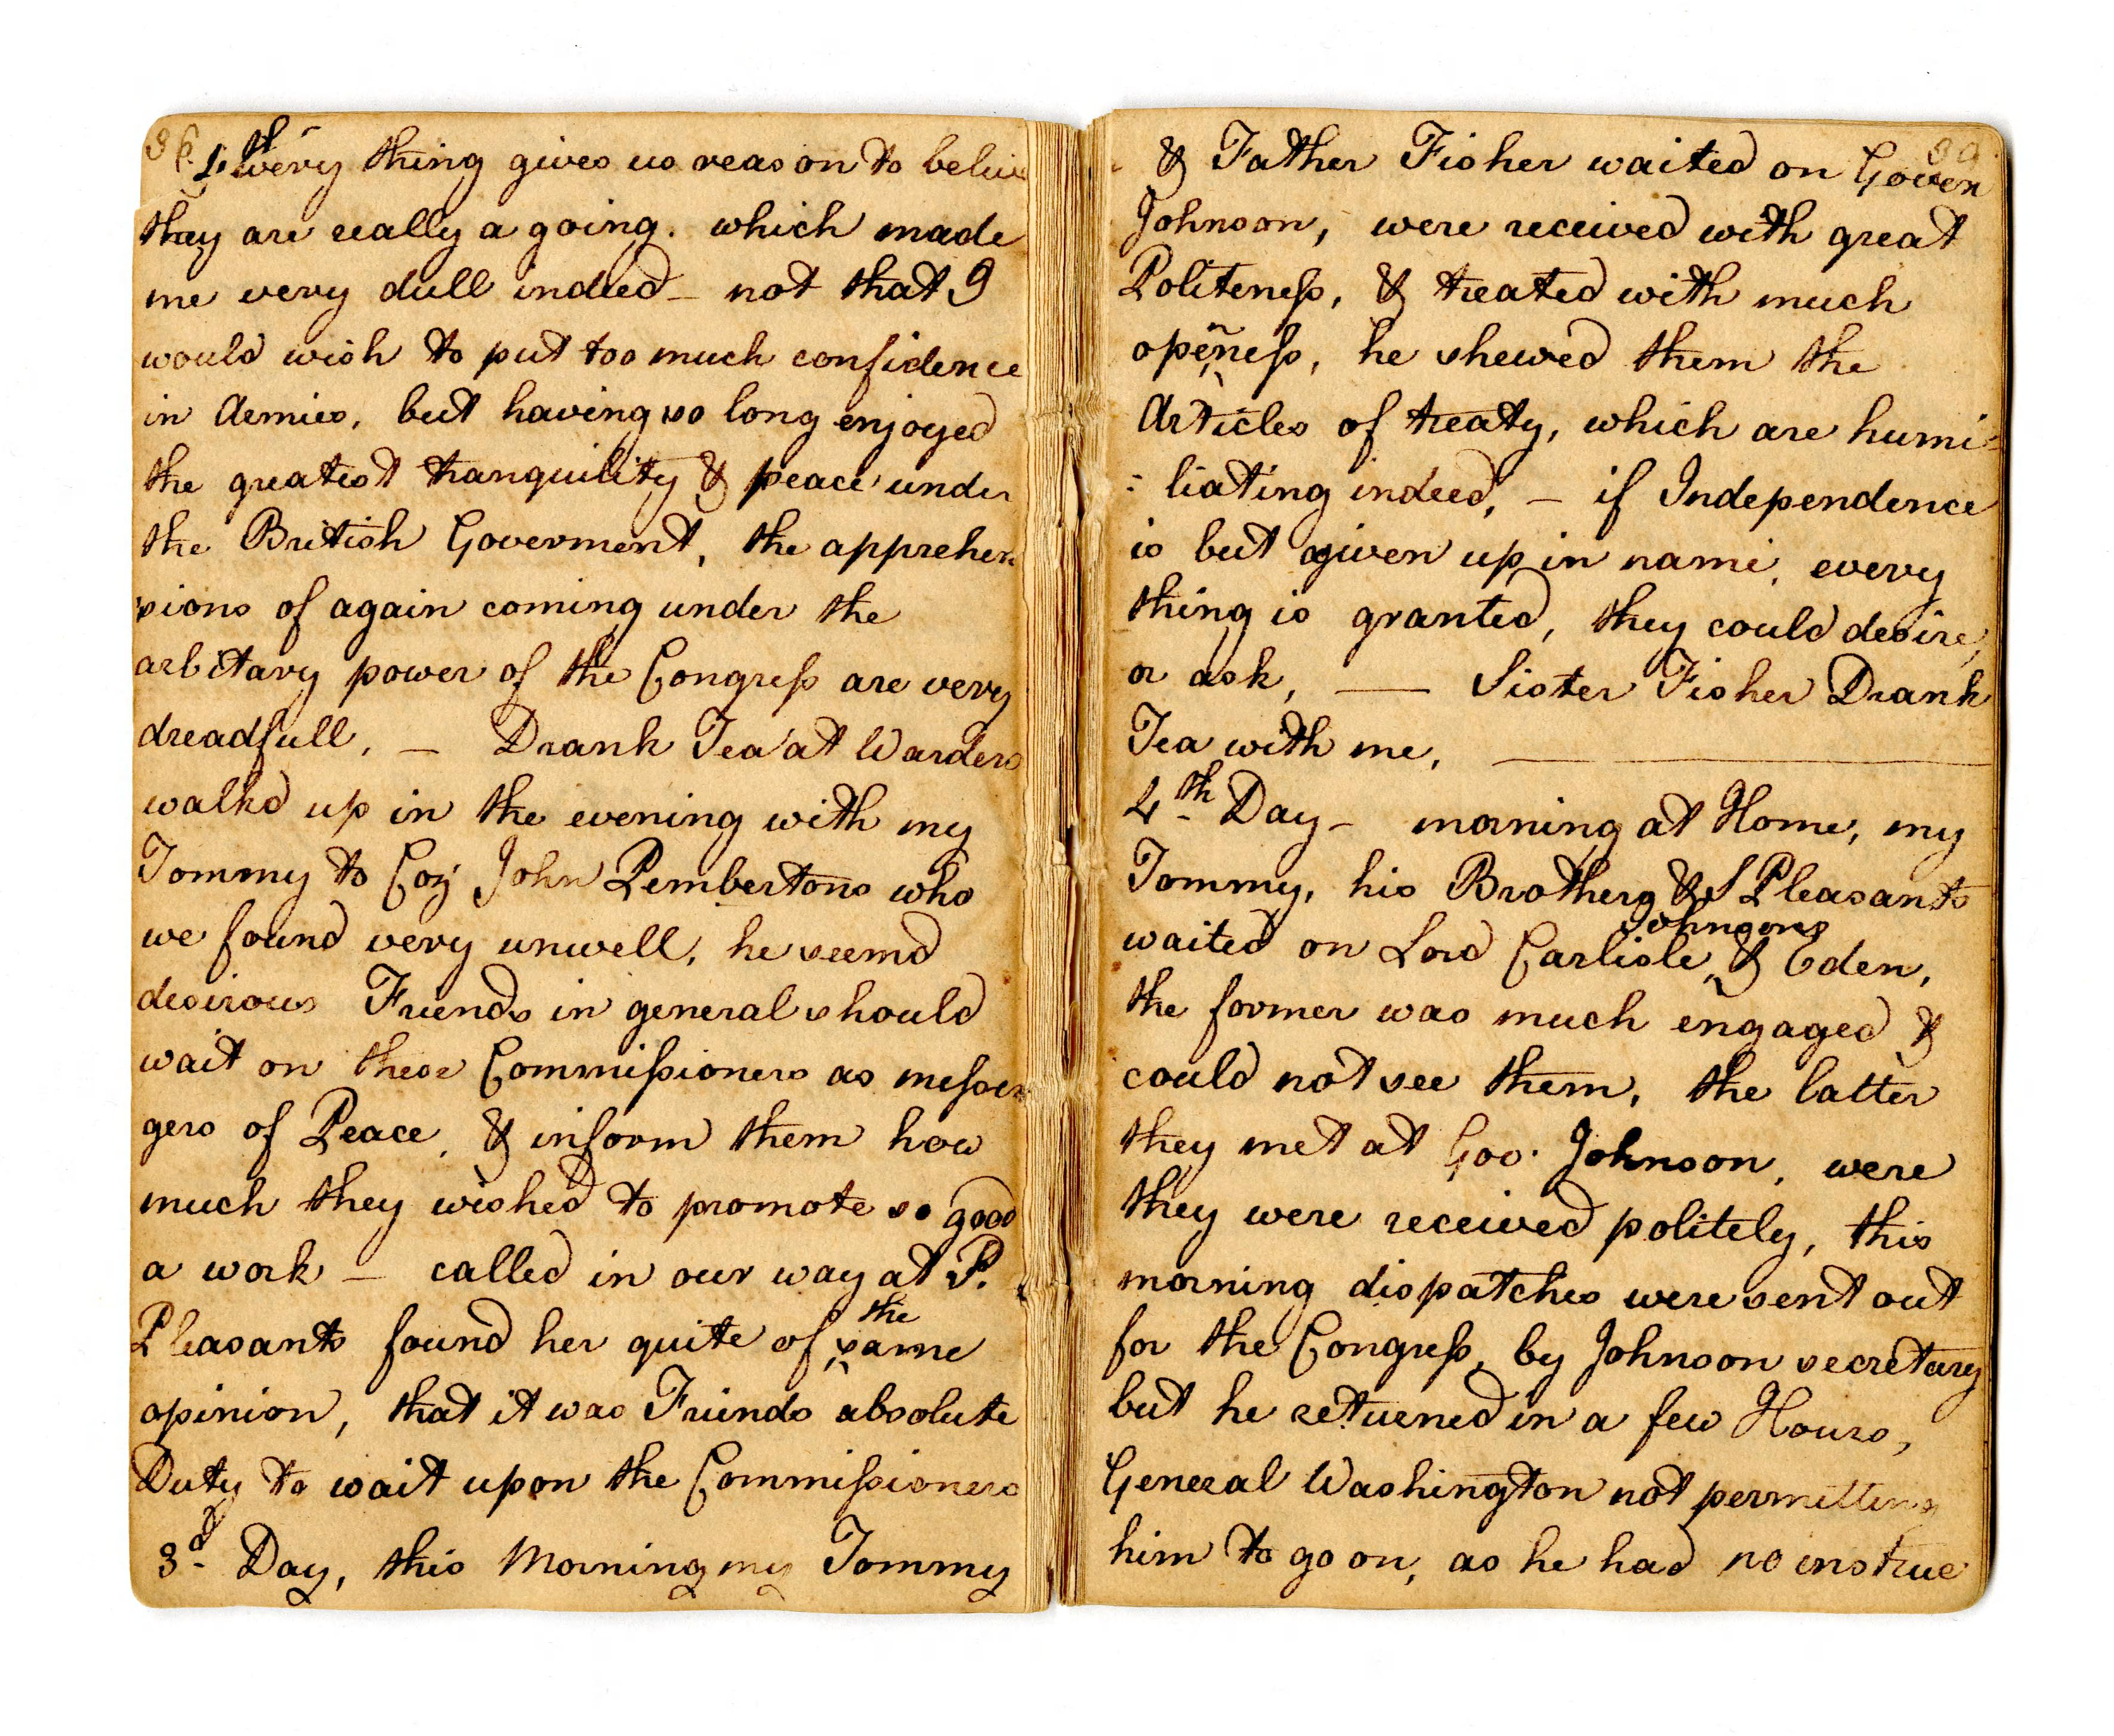every thing gives us reason to belive
they are really a going. which made
me very dull indeed- not that I
would wish to put too much confidence
in Armies, but having so long enjoyed
the greatest tranquility & peace under
the British Goverment, the apprehen
-sions of again coming under the
arbitary power of the Congress are very
dreadfull.- Drank Tea at Wardens
walkd up in the evening with my
Tommy to Coz John Pembertons who
we found very unwell, he seemd
desirous Friends in general should
wait on these Commissioners as messen
gers of Peace & inform them how
much they wished to promote so good
a work- called in our way at P.
the
Pleasants found her quite of same
opinion, that it was Friends absolute
Duty to wait upon the Commissioners
3^d. Day, this Morning my Tommy
39
& Father Fisher waited on Govern
Johnoon, were received with great
Politeness, & treated with much
ope ^n ness, he shewed them the
Articles of treaty, which are humi-
-liating indeed- if Independence
is but given us in name, every
thing is granted, they could desire,
or ask.- Sister Fisher Drank
Tea with me.-
4^th Day- morning at Home, my
Tommy, his Brother & S Pleasants
Johnsons
waited on Lord Carlisle, & Eden,
the former was much engaged &
could not see them, the latter
they met at Gov. Johnson, were
they were received politely, this
morning dispatches were sent out
for the Congress, by Johnson secretary
but he returned in a few Hours
General Washington not permitting
him to go on, as he had no instiue